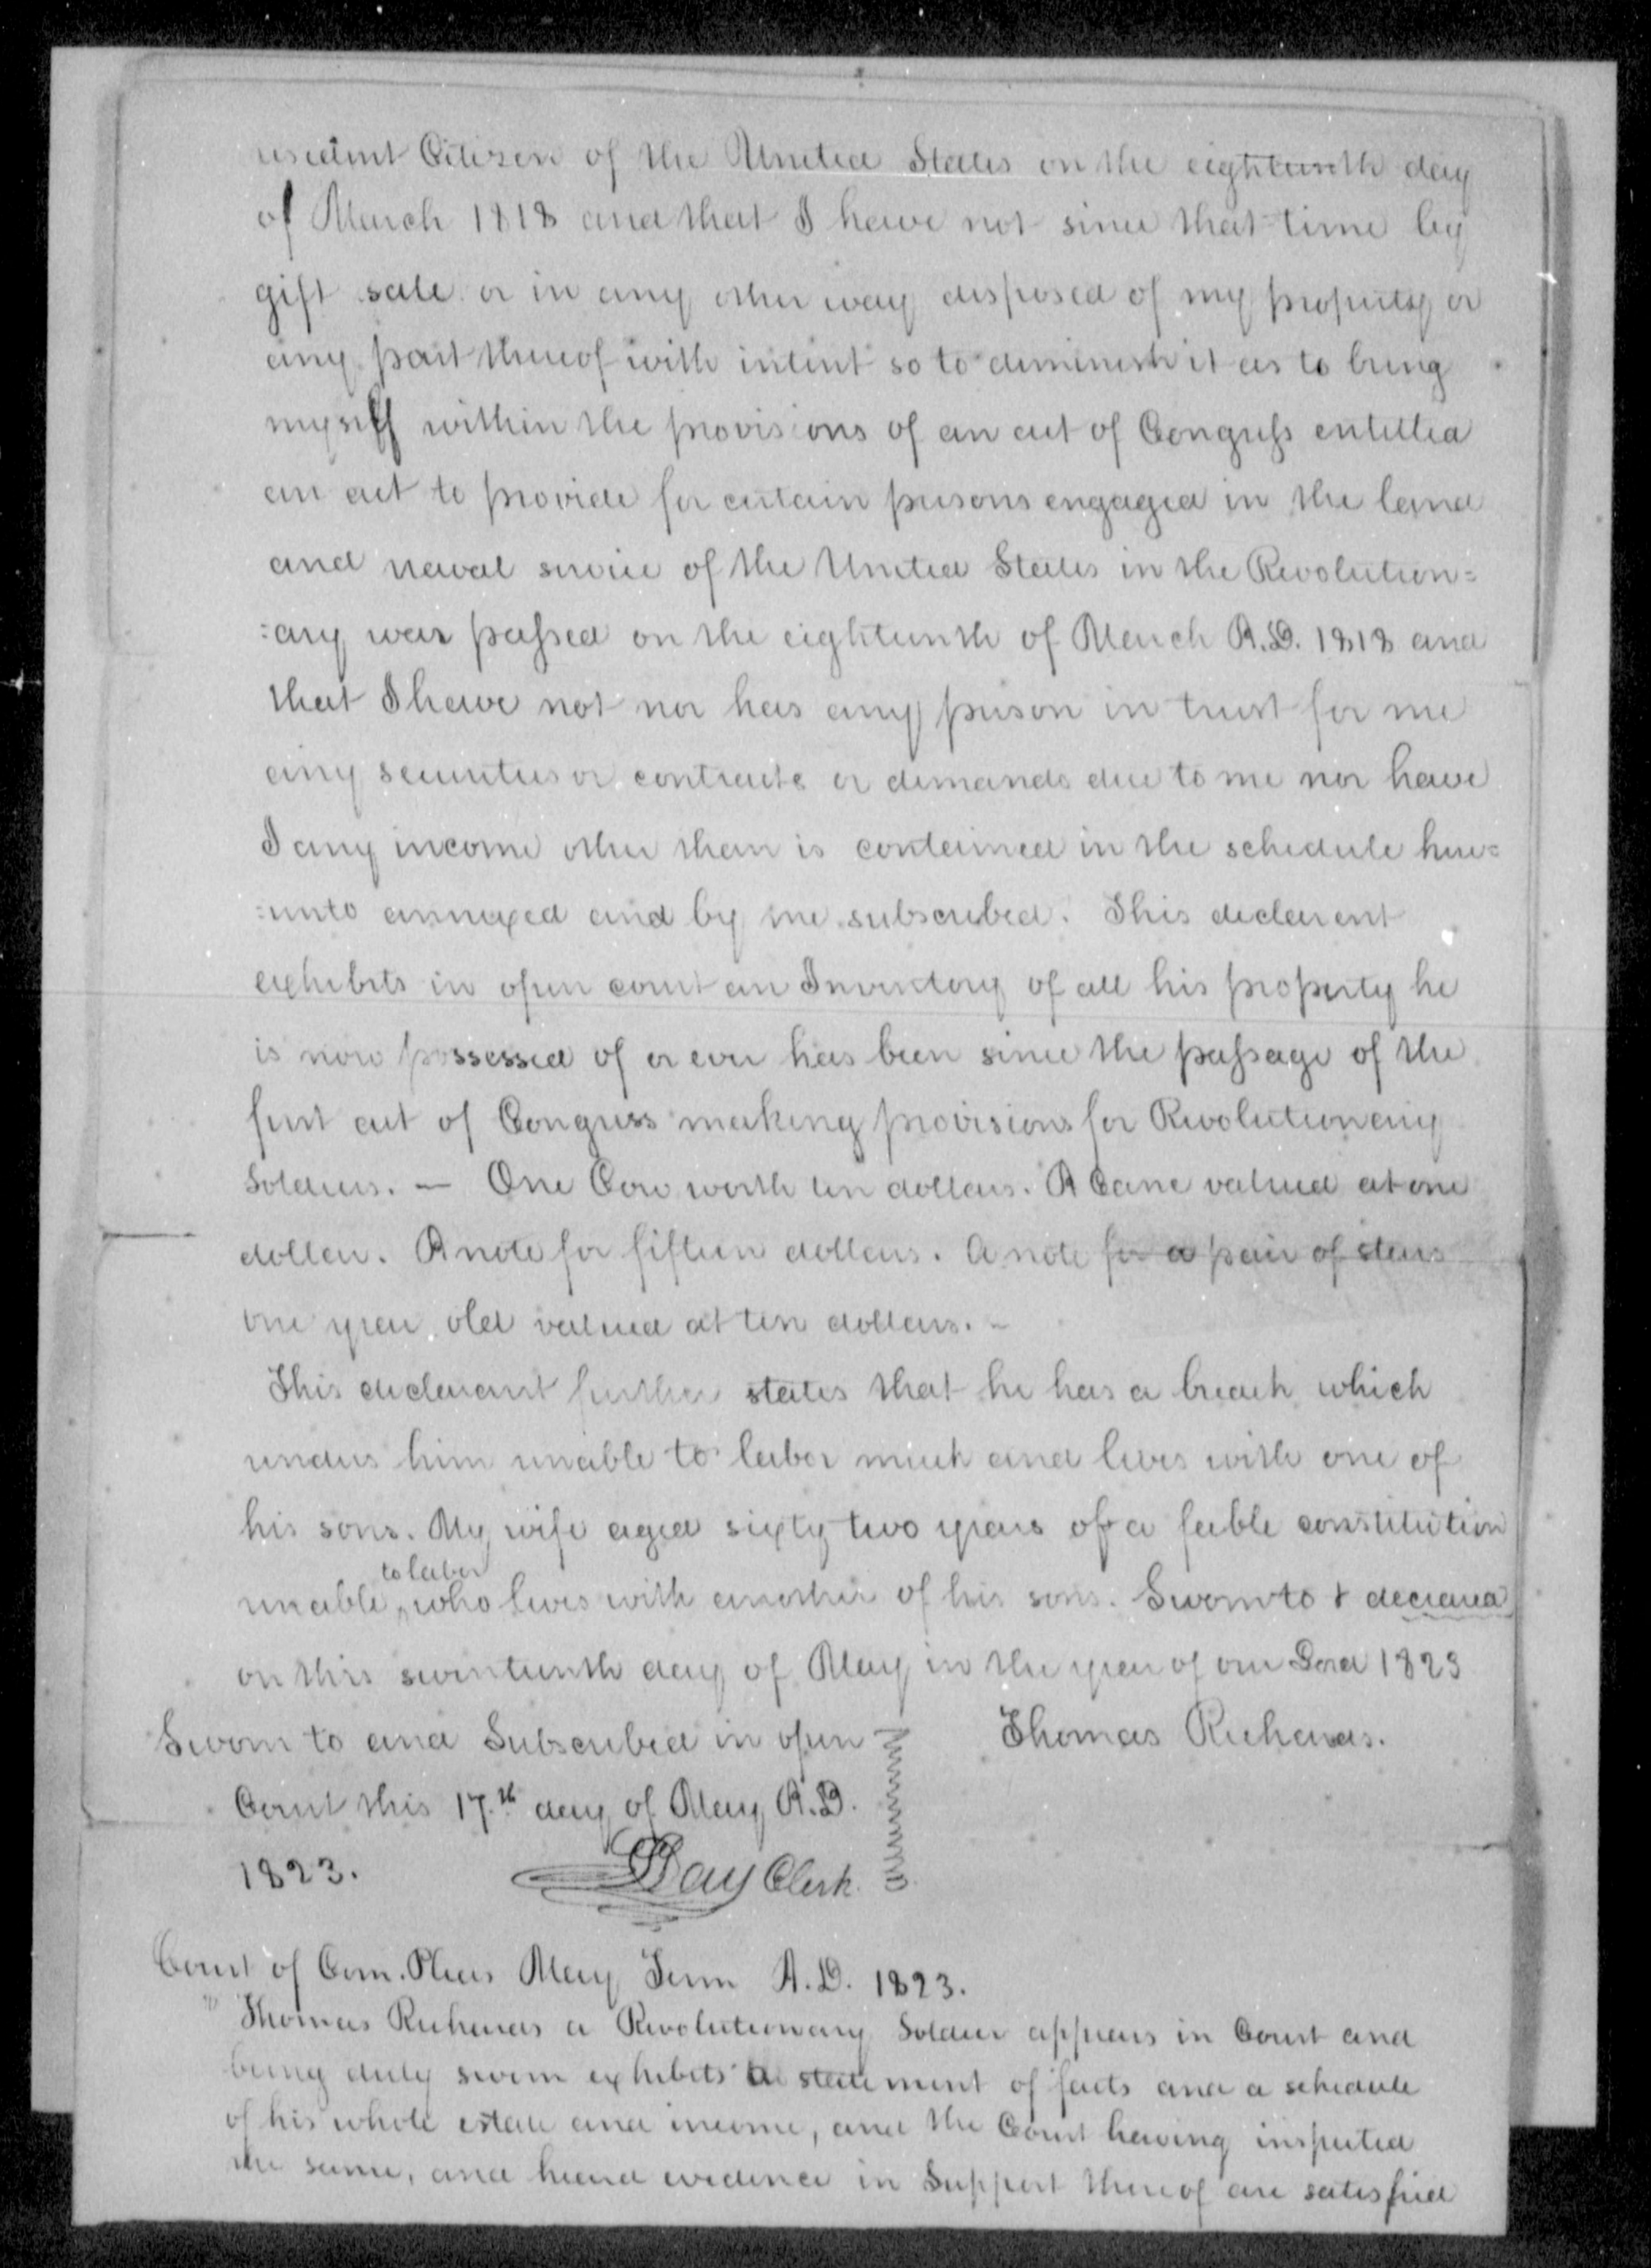resident Citizen of the United States on the eighteenth day of March 1818 and that I have not since that time by gift sale or in any other way disposed of my property or any part thereof with intent so to diminish it as to bring
myself within the provisions of an act of Congress entitled an act to provide for certain persons engaged in the land and naval service of the United States in the Revolutionary war passed on the eighteenth of March A.D. 1818 and that I have not nor has any person in trust for me any securities or contracts or demands due to me nor have I any income other than is contained in the schedule hereunto annexed and by me subscribed. This declarant exhibits in open court an Inventory of all his property he is now possessed of or ever has been since the passage of the first act of Congress making provisions for Revolutionary Soldiers. -
One Cow worth ten dollars. A cane valued at one dollar. A note for fifteen dollars. A note for a pair of steers one year old valued at ten dollars.
This declarant further states that he has a break which renders him unable to labor much and lives with one of his sons. My wife aged sixty two years of a feeble constitution unable to labor who lives with another of his sons. Sworn to & declared on this seventeenth day of May in the year of our Lord 1823
Thomas Richards
Sworn to and Subscribed in open Court this 17th day of May A.D. 1823.
S Day Clerk}

Court of Com. [COMMON] Pleas May Term A.D. 1823.
Thomas Richards a Revolutionary soldier appears in Court and being duly sworn exhibits a statement of facts and a schedule of his whole estate and income, and the Court having inspected the same, and heard evidence in support thereof are satisfied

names: Thomas Richards; S Day; Thomas Richards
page: 34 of 109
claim: widow's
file: W. 5709, for Thomas Richards, New Hampshire